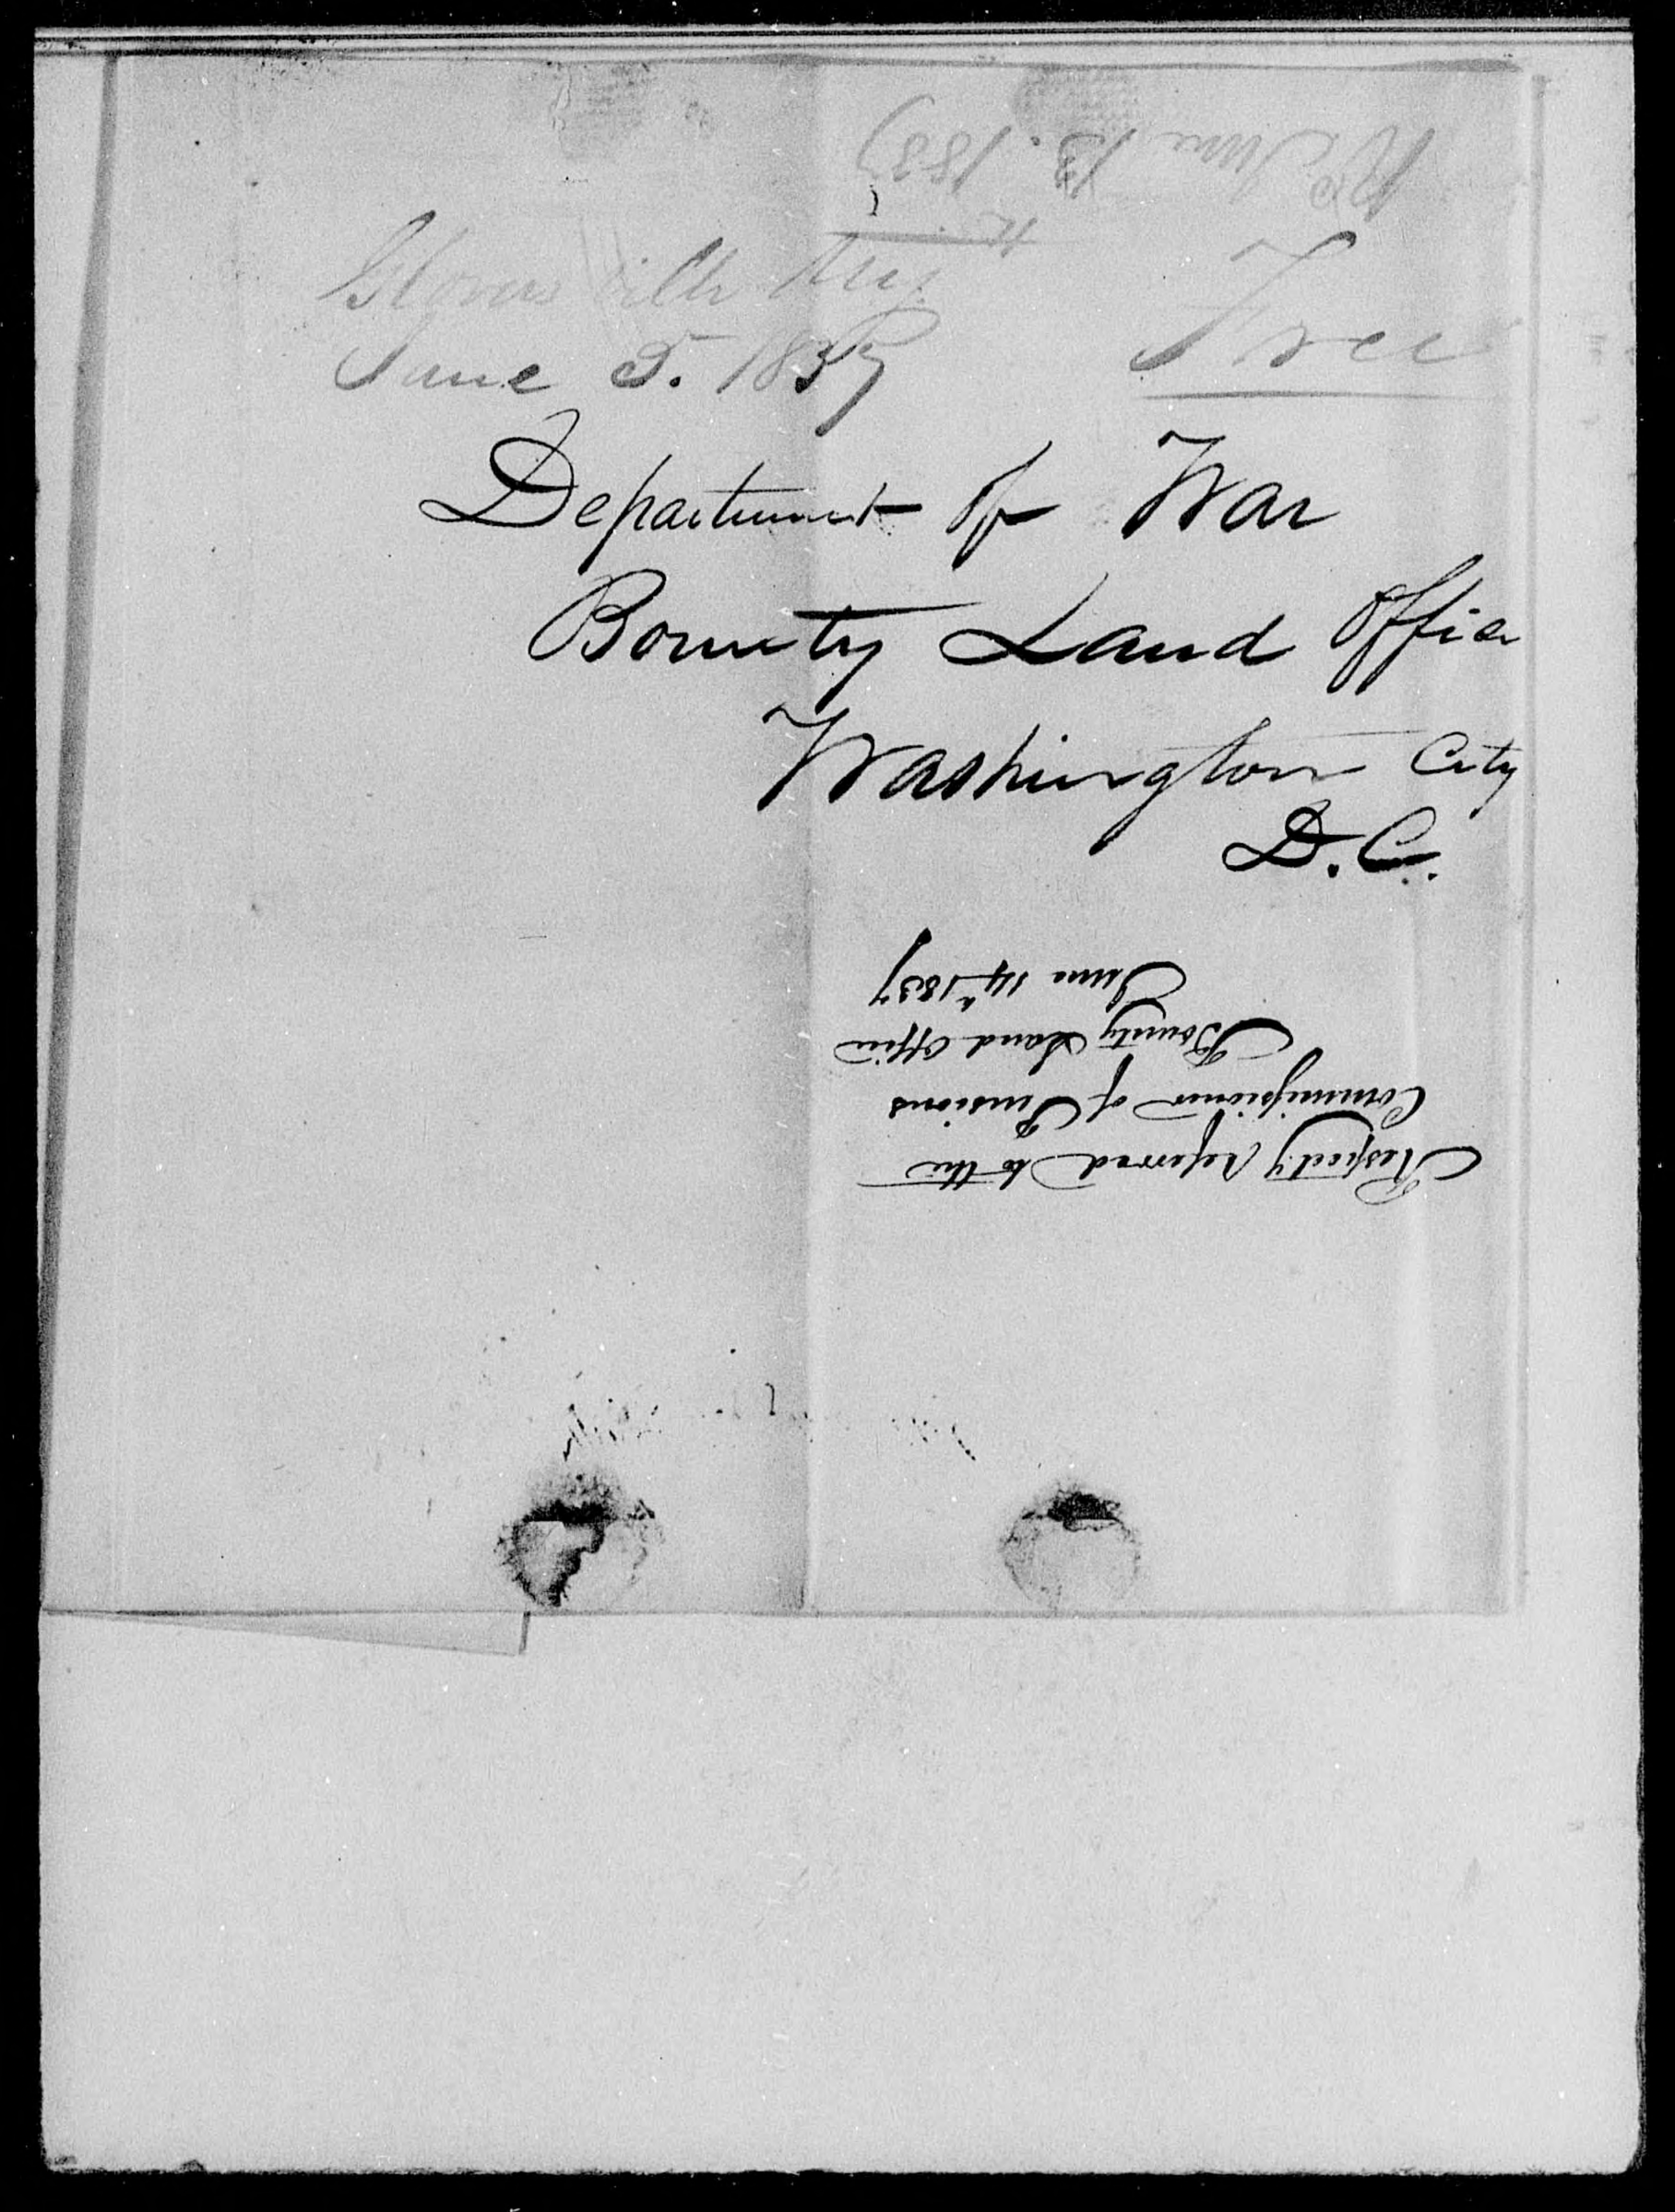[handwritten]
Gloversville [illegible]
June 5 1883
Free

Department of War
Bounty Land
Office
Washington City
D.C.

Respect[full]y referred to the 
Commissioner of Pensions
Bounty Lane Office
June 14, 1837 [written upside down at bottom of document]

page: 53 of 55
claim: widow's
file: W. 19503, Samuel Giles, Conti. Mass. New York